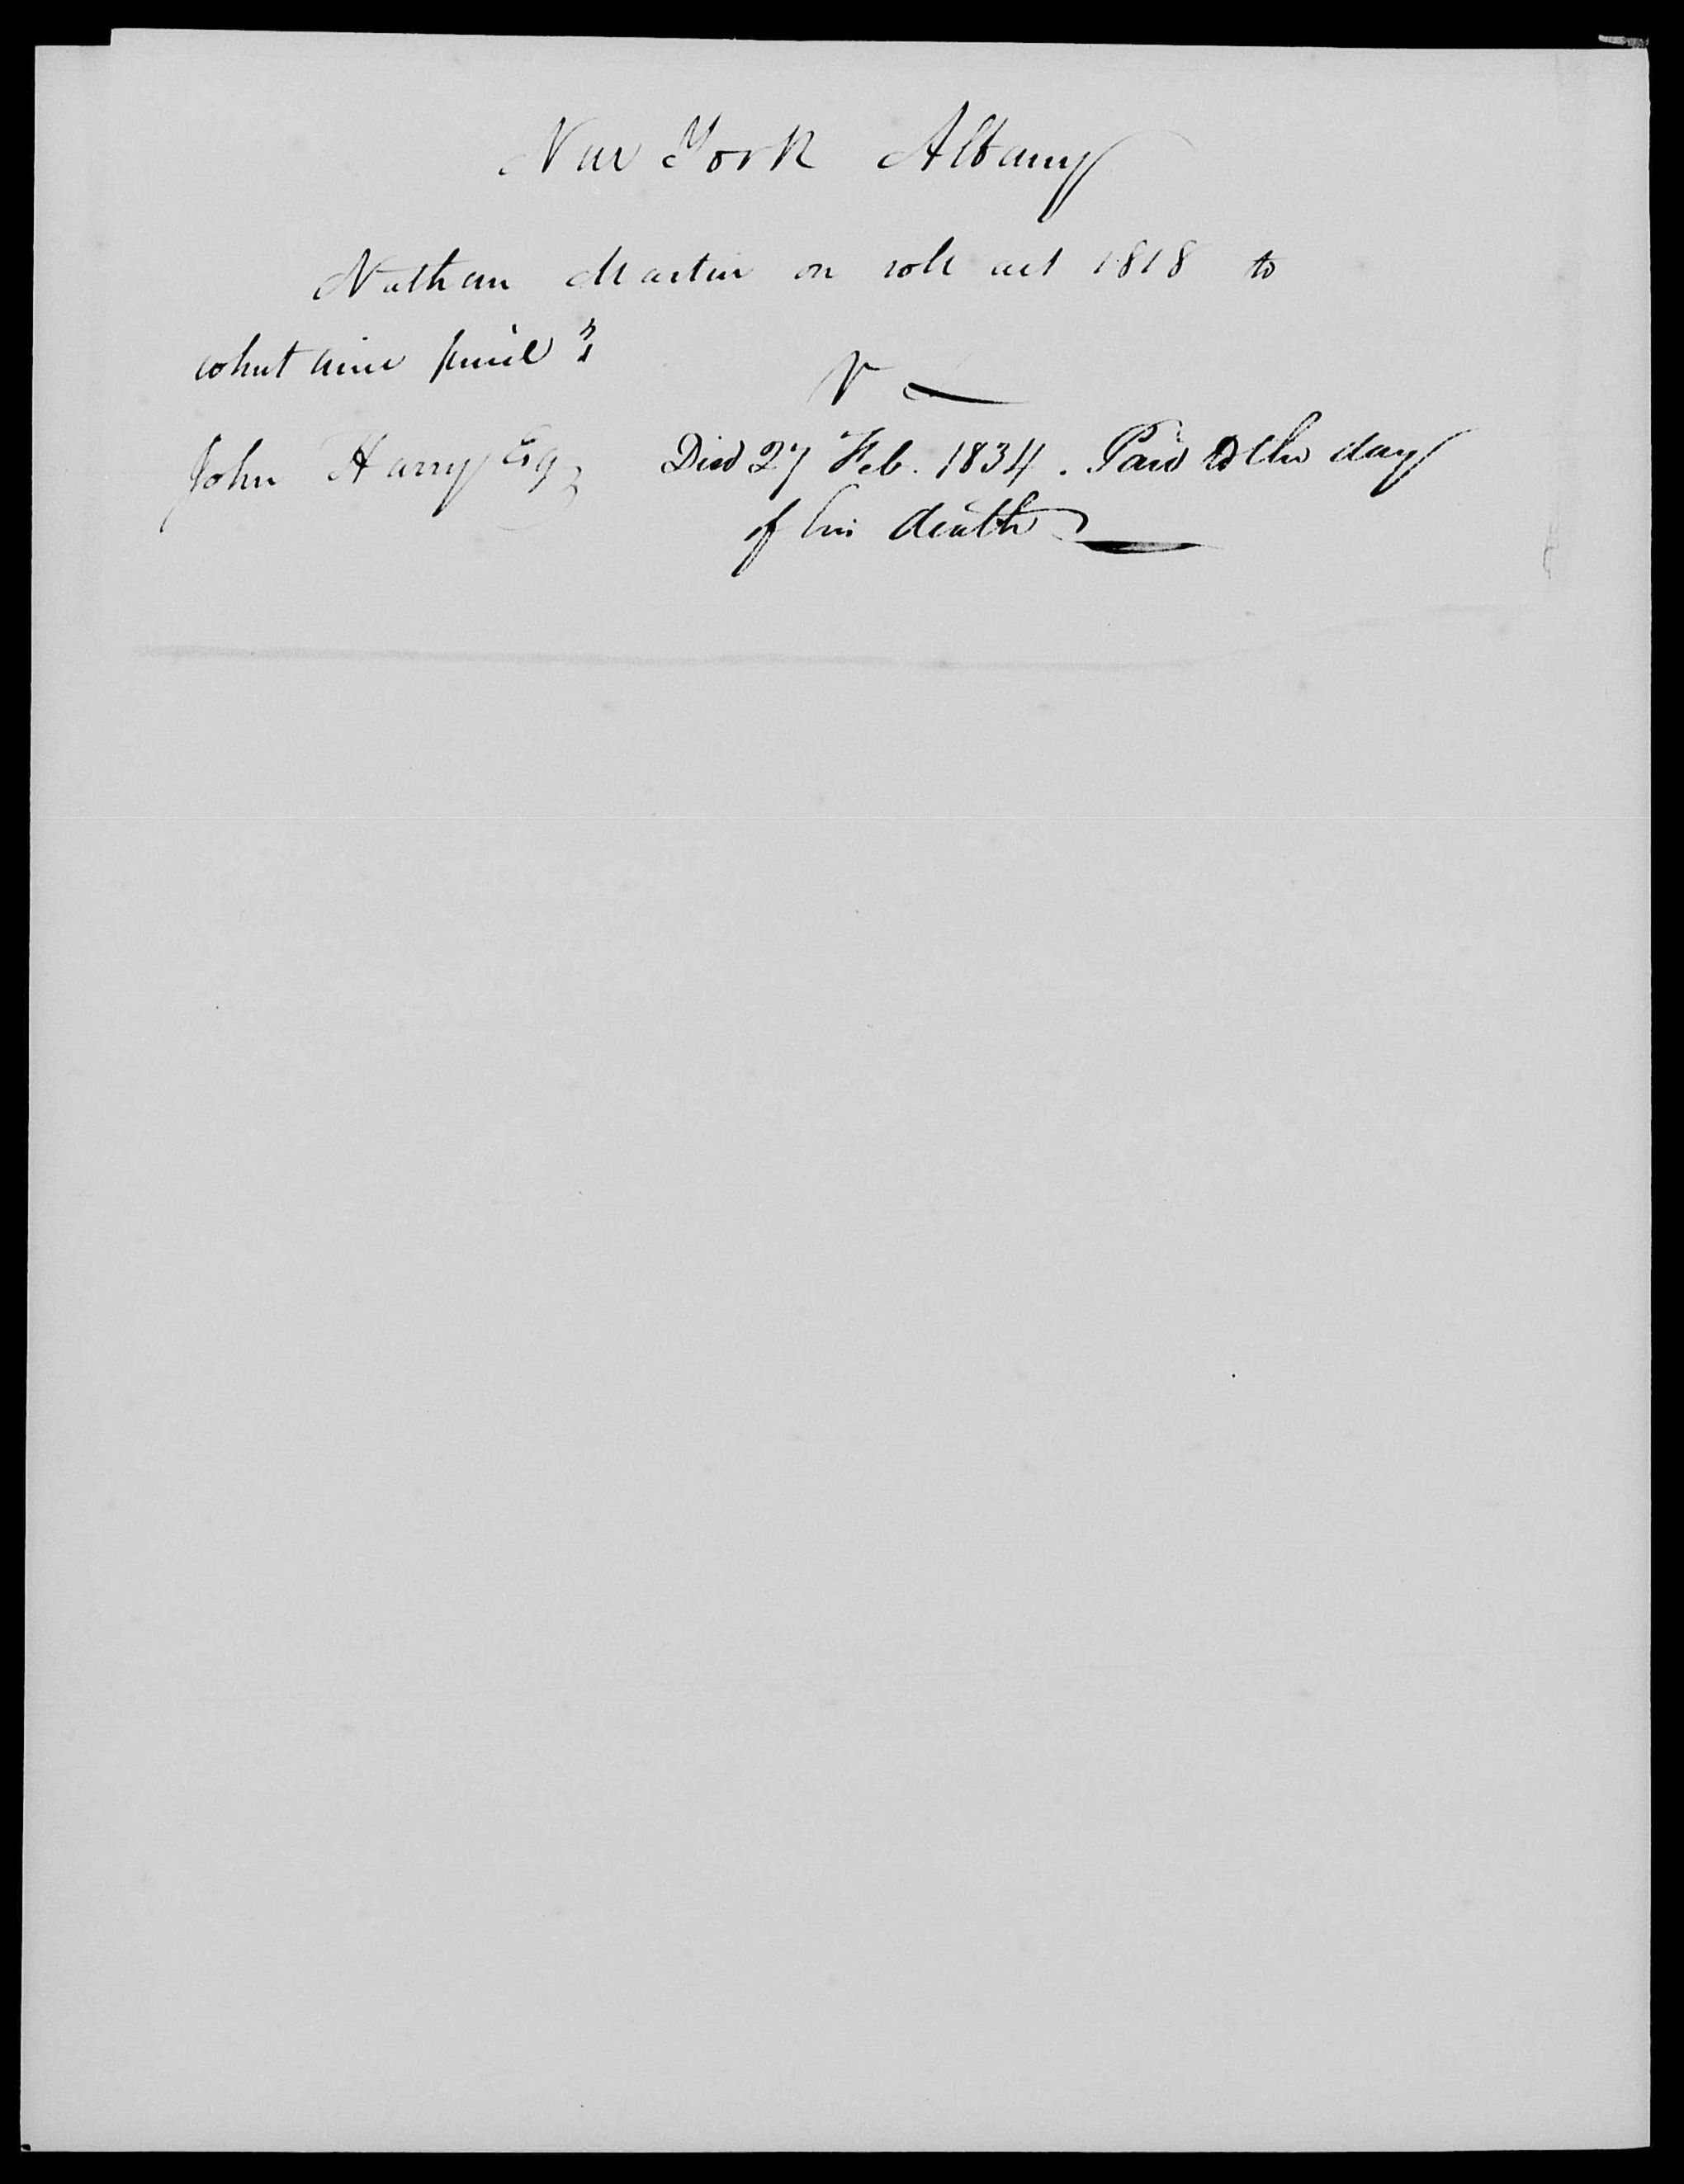New York Albany
Nathan Martin on roll act 1818 to
what him paid?
V-
John Harry Esq}
Died 27 Feb. 1834. Paid to the day
of his death.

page: 19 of 30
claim: widow's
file: W. 23,904, for Nathan Martin, New Hampshire